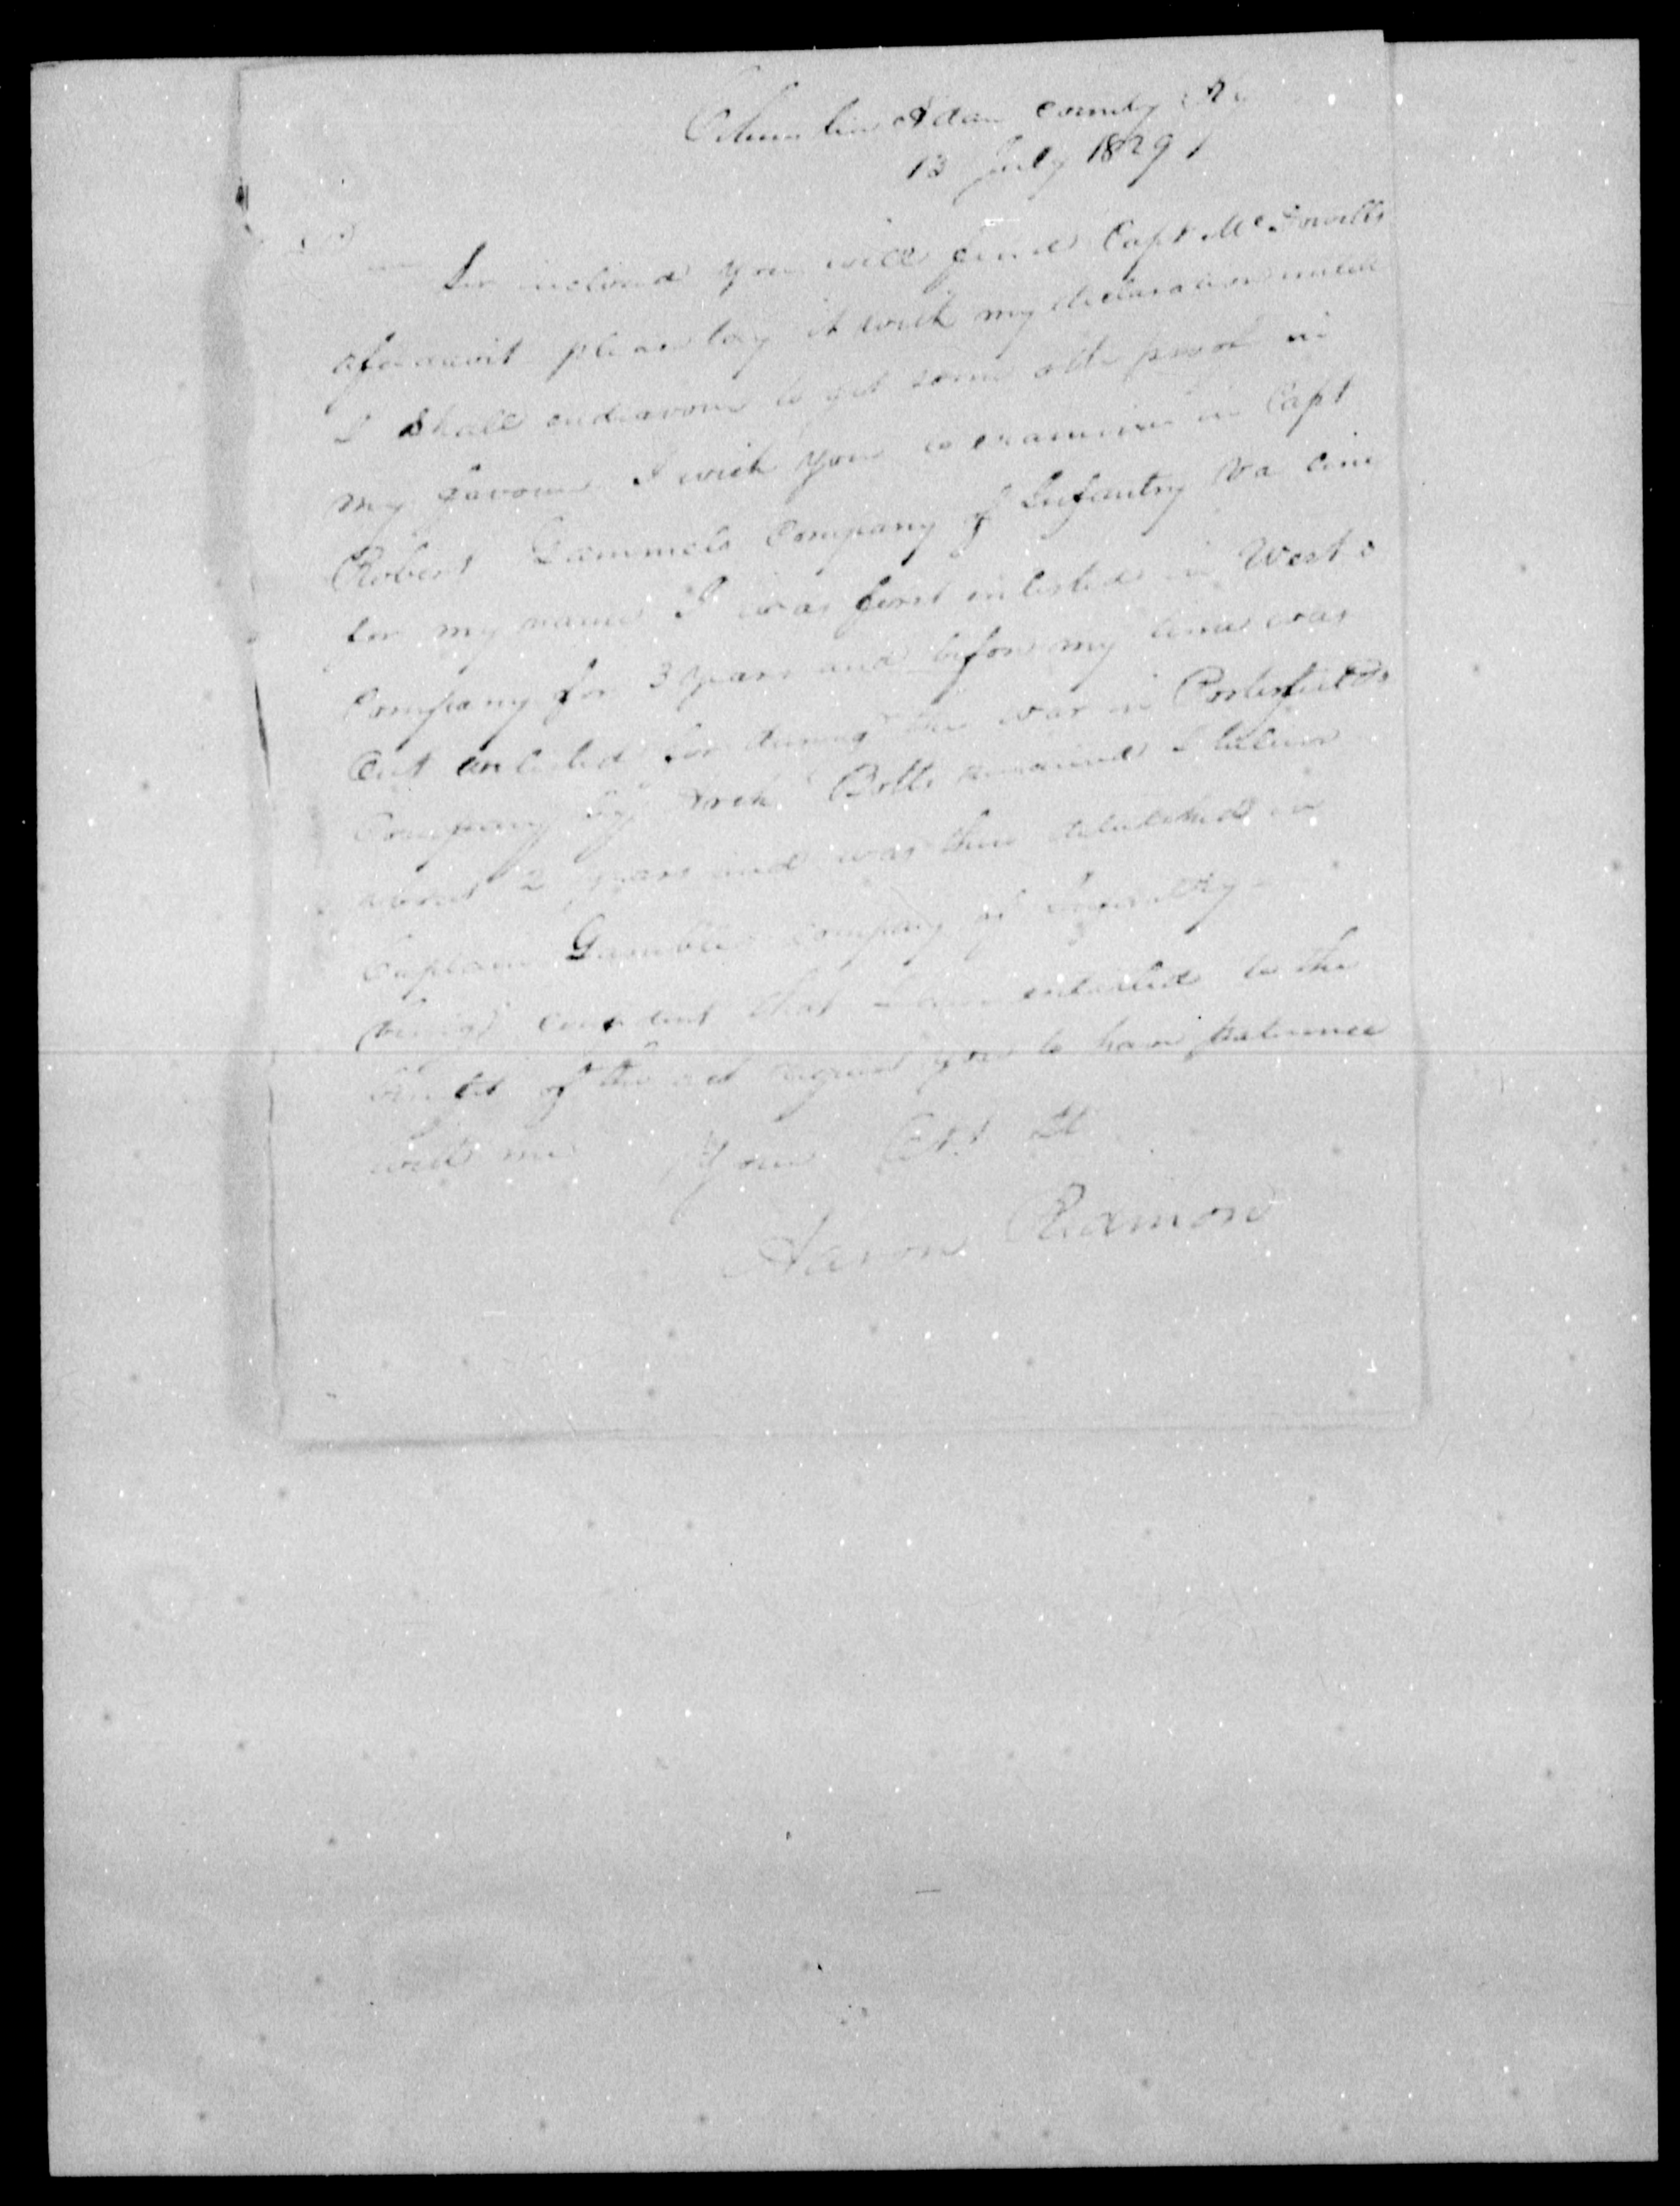[illegible] Adair County Ky
13 July 1829

Sir inclosed you will find Capt McDowells afadavit please lay it with my declaration untill I shall endeavour to get some other proof in my favour  I wish you to examine in Capt Robert Gammels Company of Infantry Va line for my name  I was first inlisted in West's Company for 3 years and before my time was out enlisted for during the war in Porterfields Company by Arch Botts [illegible] I believe about 2 years and was then [illegible] in Captain Gamble company of Infantry  being confident that I am entitled to the benefit of the [illegible] request you to have patience with me
Your Obt St
Aaron Redmon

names: [BLANK] Mc Dowell; Aaron Redmon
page: 51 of 57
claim: widow's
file: W. 9,622, for Aaron Redman, Virginia